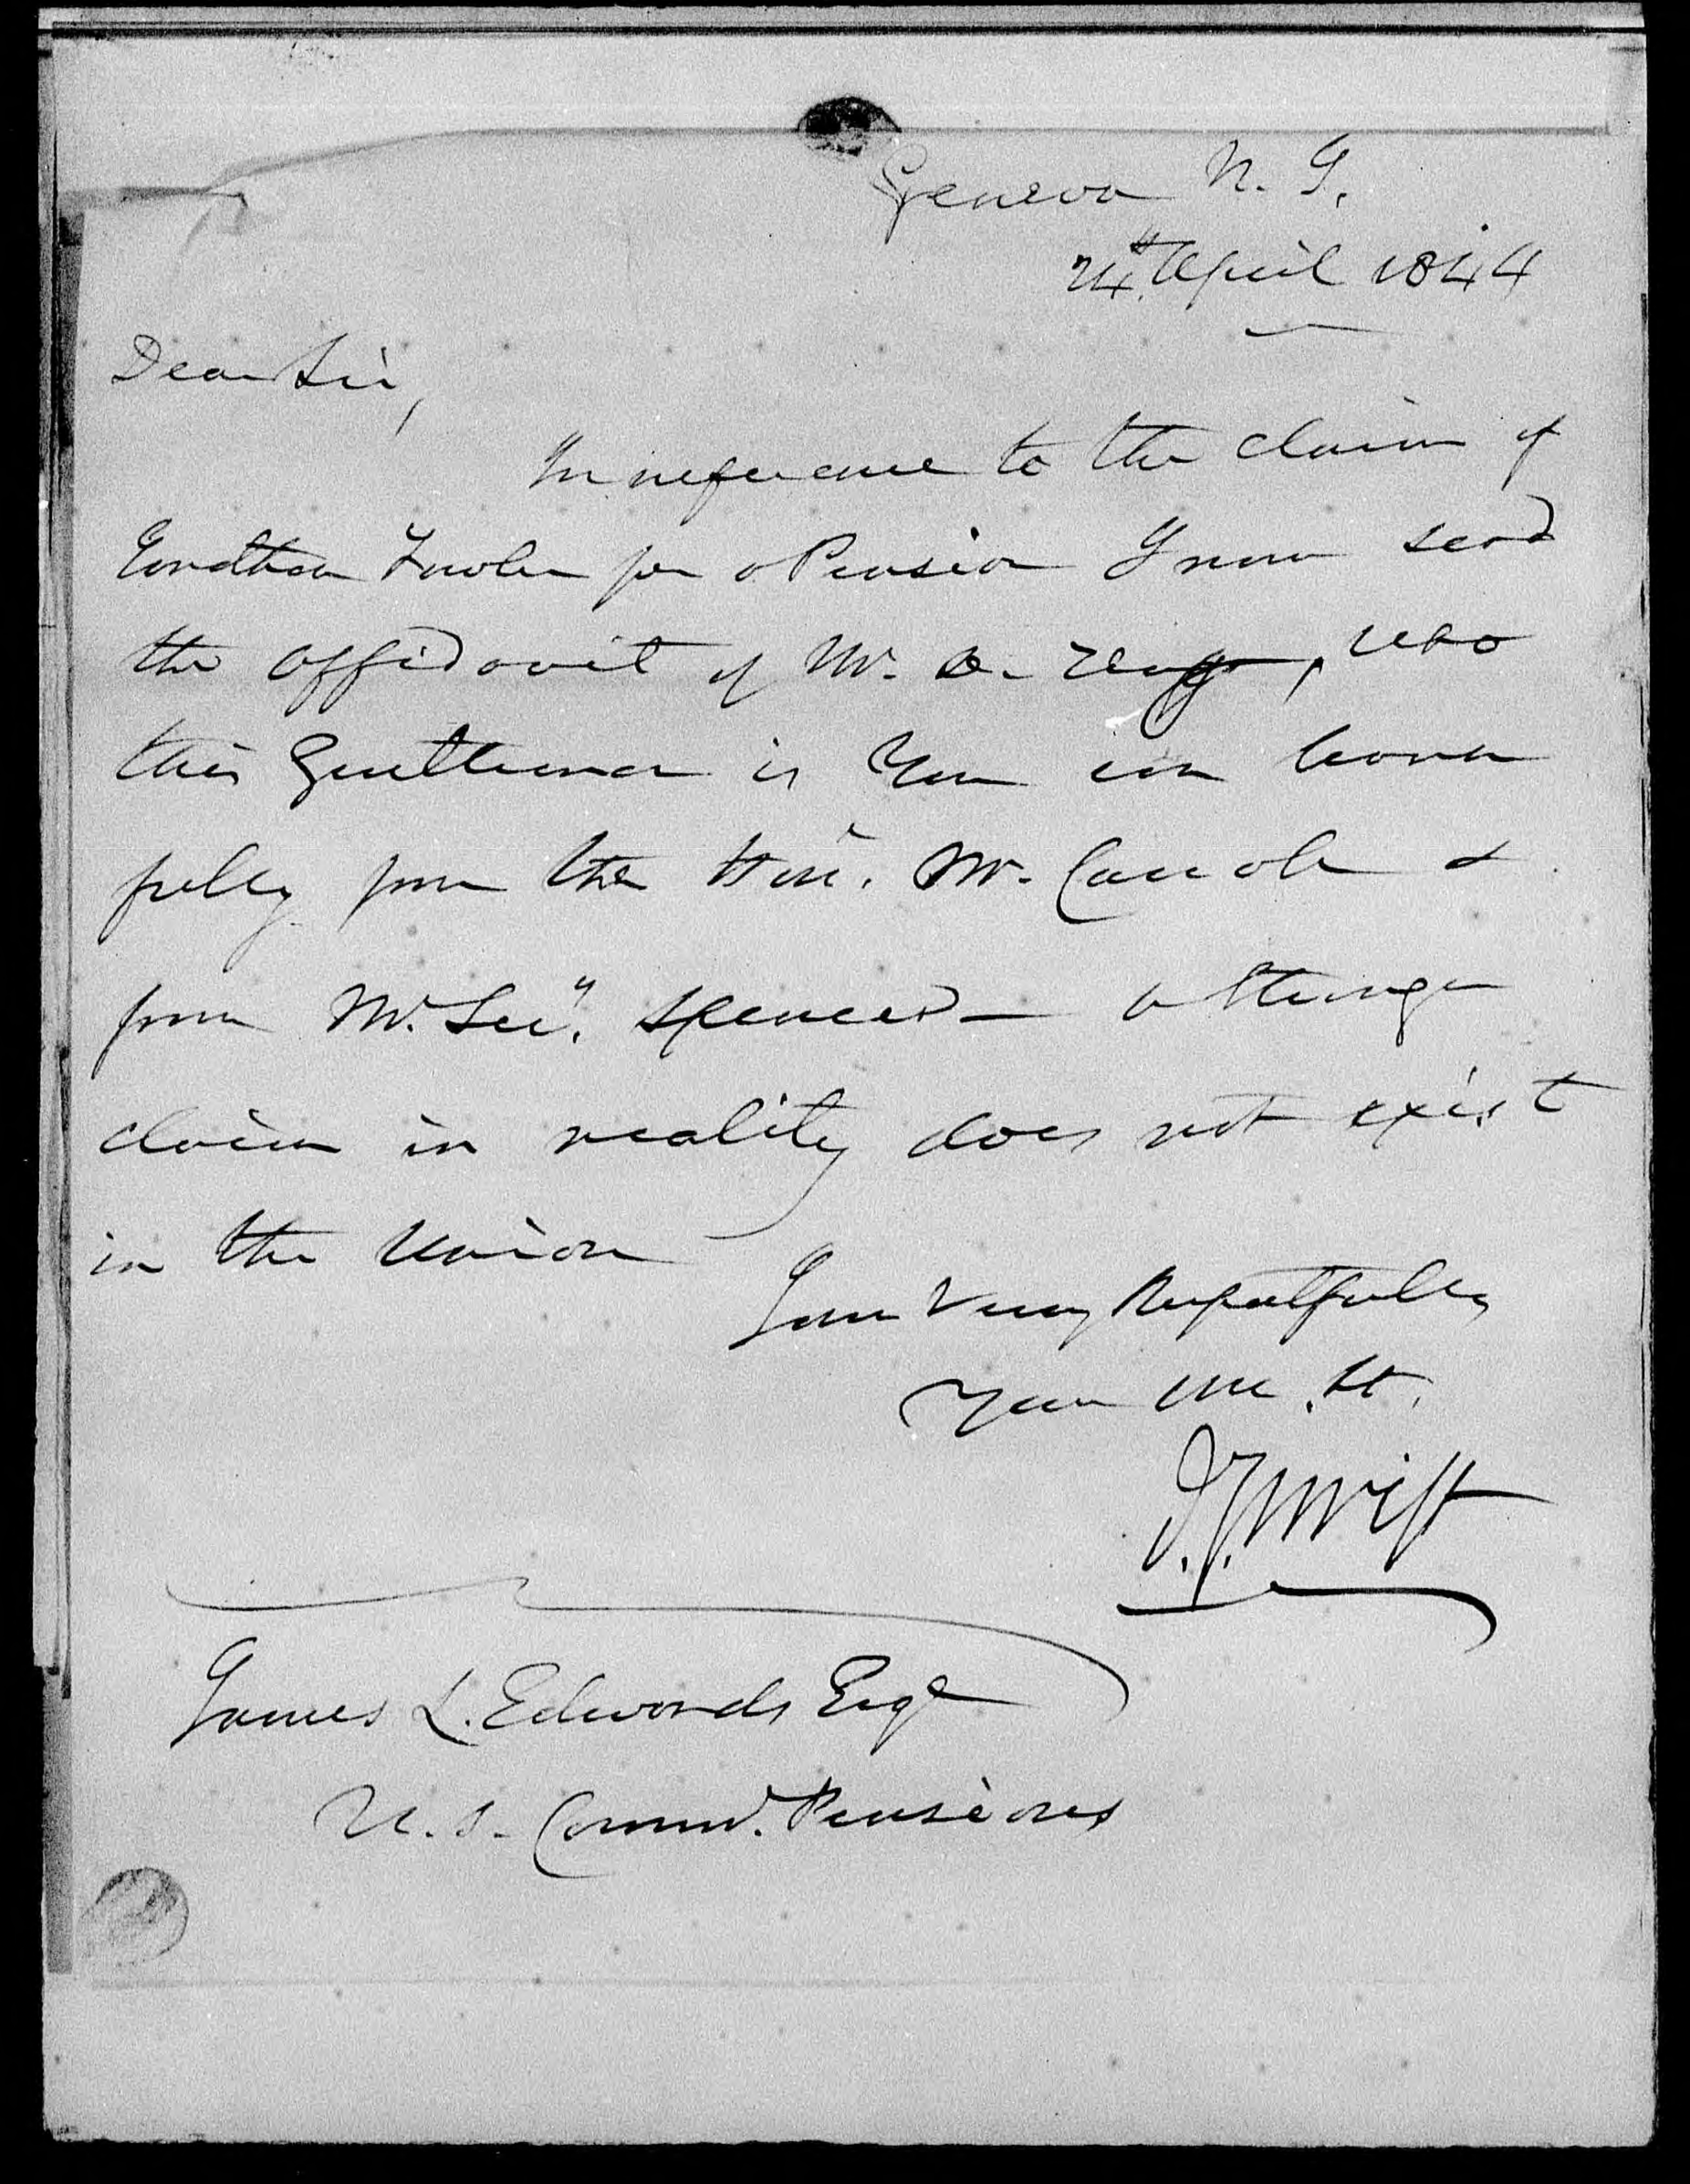Geneva N.Y.
24th alpril 1844
Dear Sir,
In reference to the claim of Jonathan Fowler for a pension I now send the affidavit of W. DeZenga, who this gentleman is [illegible] in [illegible] [illegible] from the time W. Carrol & from W. Lee, Spencer - a [illegible] claim in reality does not exist in the union.
I am Very Repectfully Your Obt. St.
J.G. Swift

James L. Edwards Esqr.
U.S. Comm. Pensions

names: Lee, James L Edwards, Jonathan Fowler, Carrol, J G Swift, Spencer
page: 42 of 44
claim: survivor's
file: S. 23639, Jonathan Fowler, New York